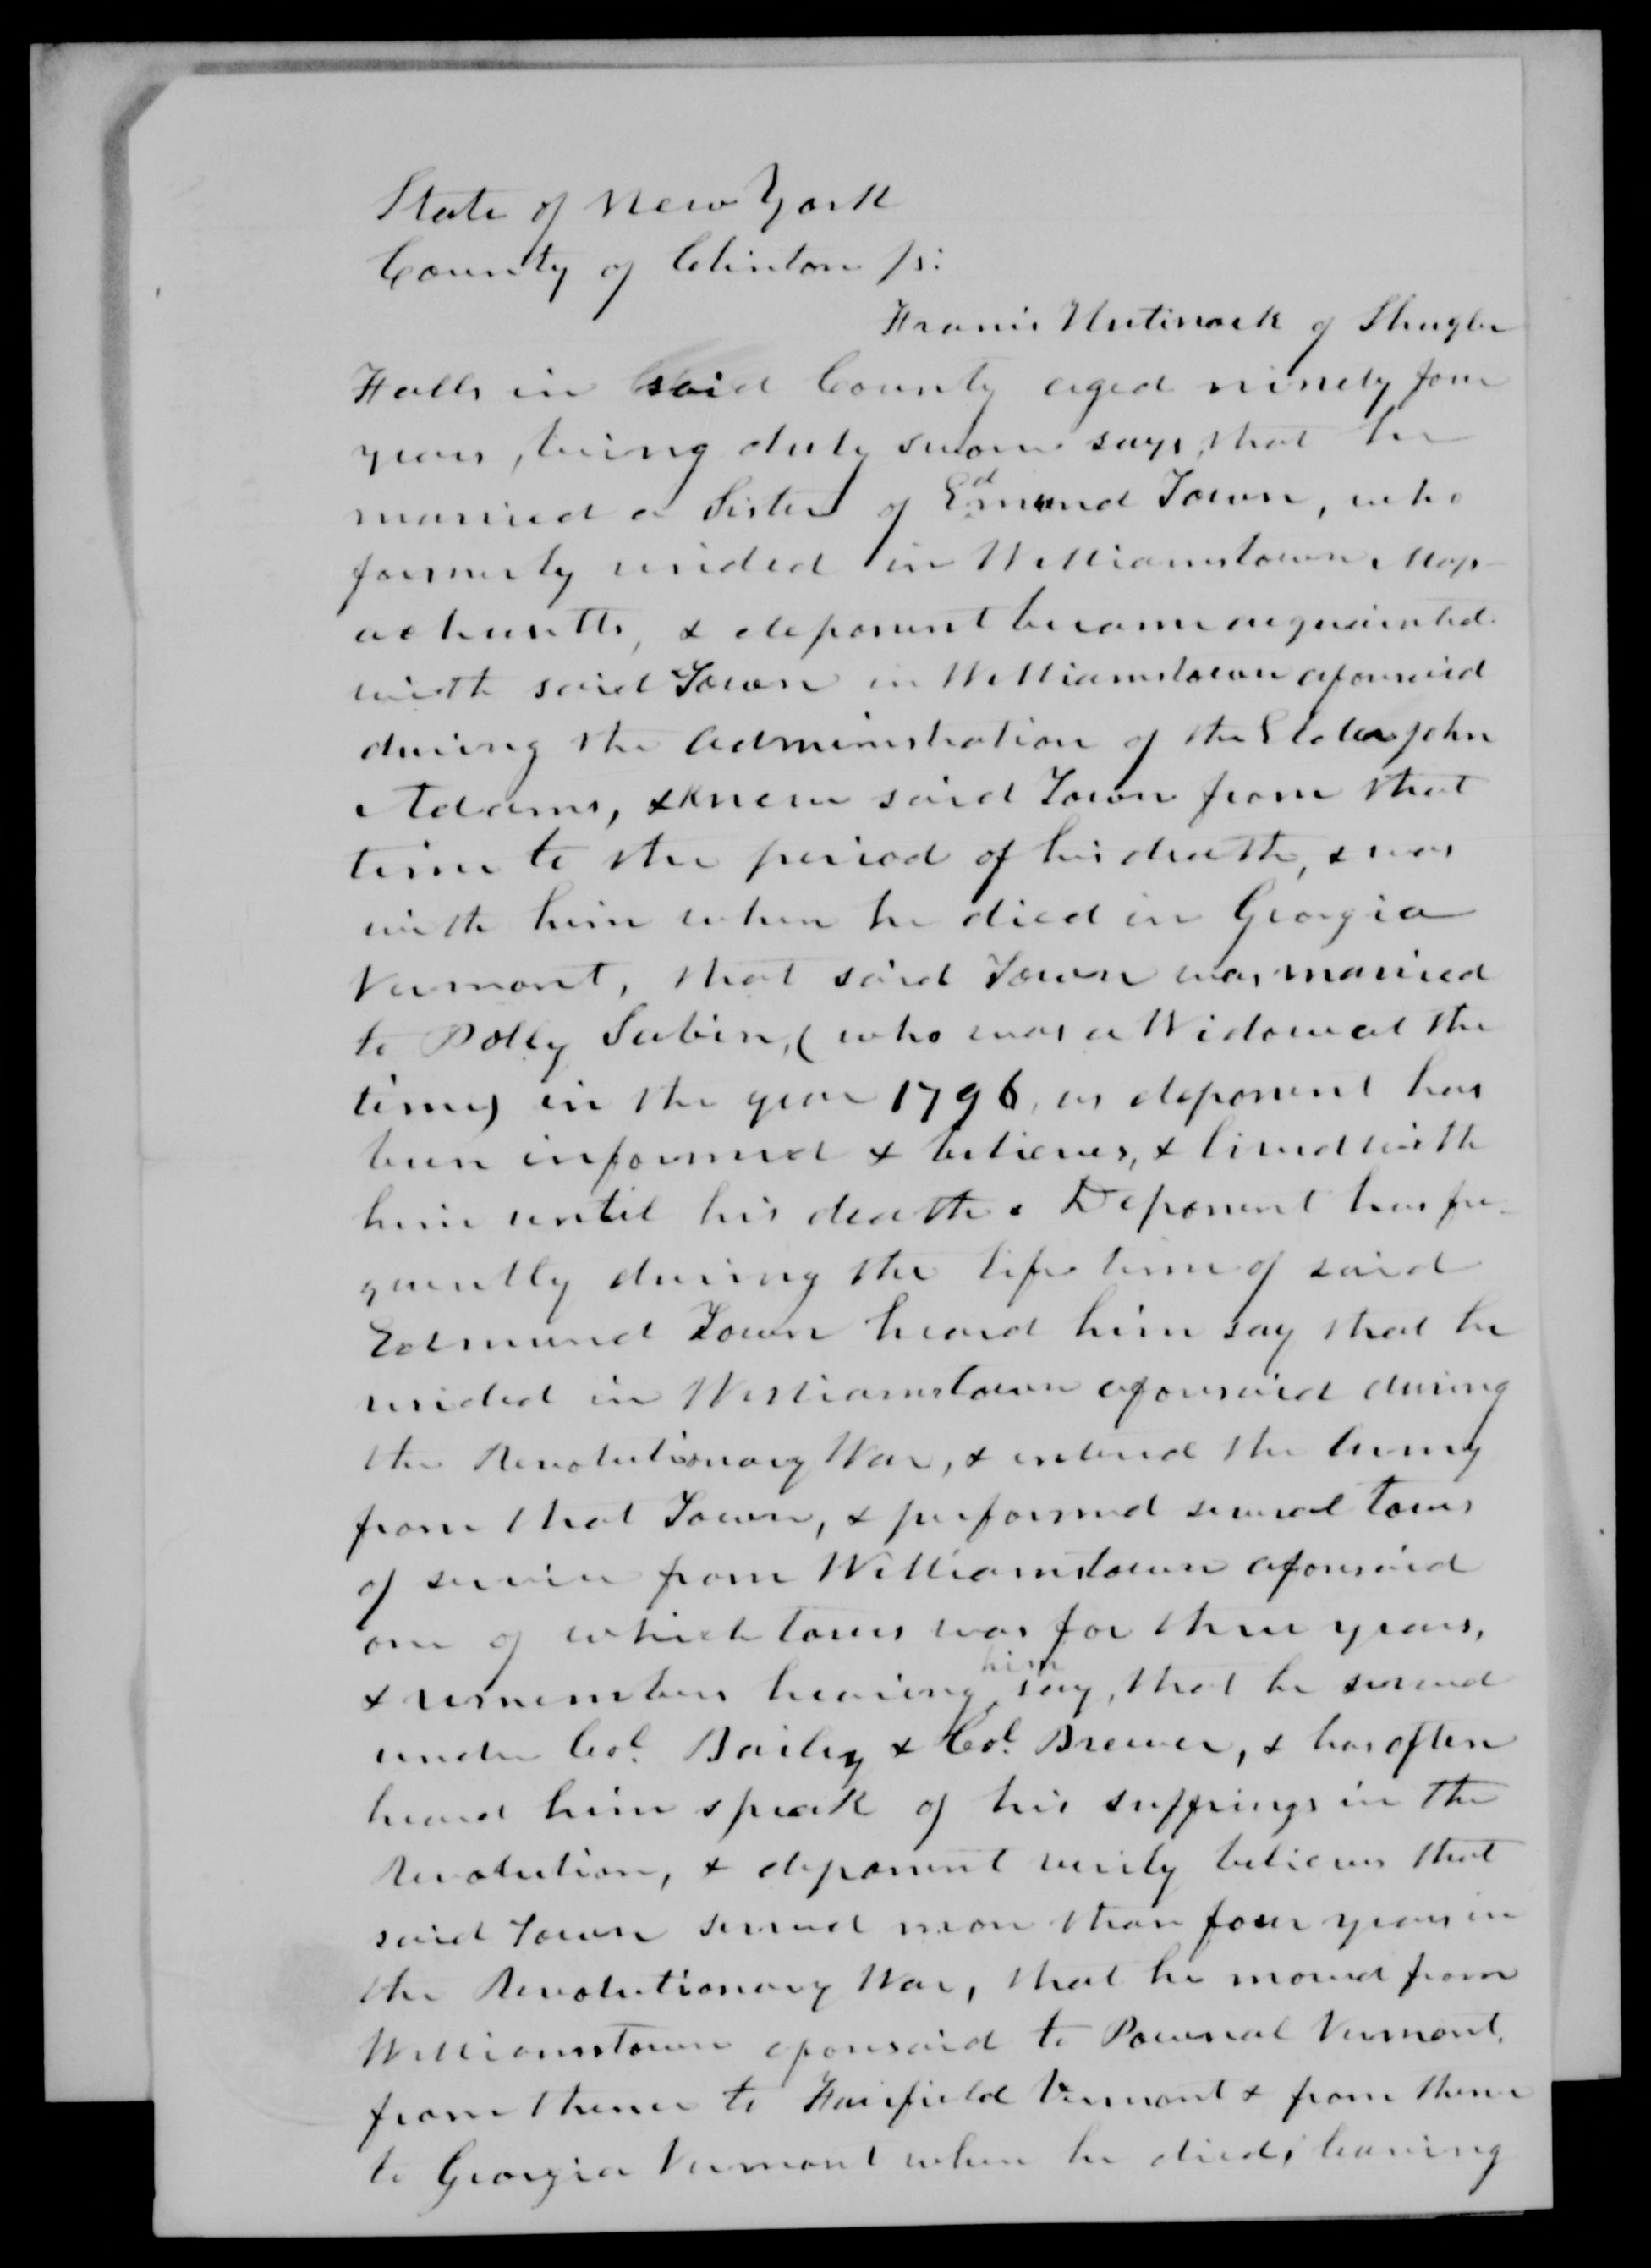State of New York
County of Clinton Ss.

Francis Hutinack of Schuyler Falls in siad County aged ninety four years being duly sworn says that he married a sister of Edmund Town, who formerly resided in Williamstown, Massachusetts & deponent became acquainted with siad Town in Williamstown aforesaid during the administration of the (ellegible) John Adams, & knew said Town from that time to the period of his death & was with him when he died in Georgia Vermont. that said Town was married to Polly Sabin (who was a widow at the time) in the year 1796 as deponent has been informed & believes &lived with him until his death. Deponent has frequently during the life time of said Edmund Town heard him say that he resided in Williamstown aforesaid during the Revolutionary War & entered the Army from that Town & performed several tours of service from Williamstown aforesaid one of which tours was for three years, & remember hearing him say that he served with Col. Bailey & Col. Brewer & has often heard him speak of his sufferings in the revolution, & deponent verily believed that said Town served more than four years in the Revolutionary War, that he moved from Williamstown aforesaid to Pownal Vermont from thence to Mansfield Vermont & from there to Georgia Vermont where he died leaving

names: John Adams, Edmund Town, Polly Sabin, Brewer, Town, Town, Edmund Town, Town, Francis Hutinack, Bailey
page: 58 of 64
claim: widow's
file: W. 5831, Edmund Town, Mass.